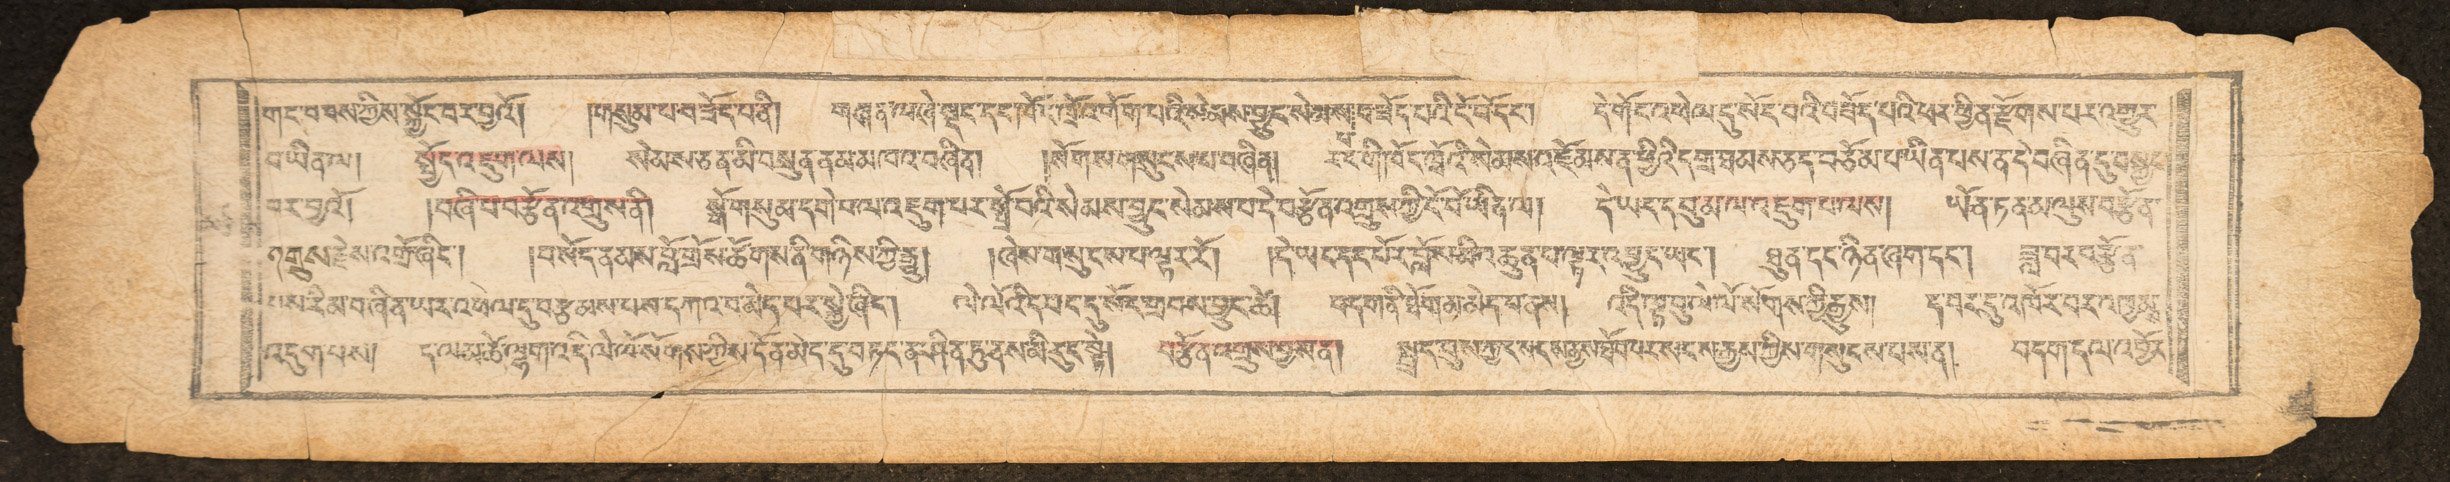གང་བབས་གྱིས་སྐྱོང་བར་བྱའོ། །གསུམ་པ་བཟོད་པ་ནི། གཞན་ལ་ཞེ་སྡང་ད?་ཁོང་ཁྲོ་འགོག་པའི་སེམས་བྱུང་སེམས་པ་འཐོན་པའི་ངོ་བོ་དང་། དེ་གོང་འཕེལ་དུ་སོང་བའི་བཟོད་པའི་?་ཕྱིན་རྫོགས་པར་འགྱུར་
བ་ཡིན་ལ། སྤྱོད་འཇུག་ལས། སེམས་ཅན་མི་བསྲུན་ནམ་མཁའ་བཞིན། །སོགས་གསུངས་པ་བཞིན། རང་གི་ཁོང་ཁྲོའི་སེམས་འཛོམས་ན་ཕྱིའི་དགྲ་ཐམས་ཅད་བཅོམ་པ་ཡིན་པས་ན་དེ་བཞིན་དུ་བསྒྱུར་
བར་བྱའོ། །བཞི་པ་བརྩོན་འགྲུས་ནི། སྒོ་གསུམ་དགེ་པ་ལ་འཇུག་པར་སྤྲོ་བའི་སེམས་བྱུང་སེམས་པ་དེ་བརྩོན་འགྲུས་ཀྱི་ངོ་བོ་ཡིན་ལ། དེ་ཡང་དབུ་མ་ལ་འཇུག་པ་ལས། ཡོན་ཏན་མ་ལུས་བརྩོན་
འགྲུས་རྗེས་འགྲོ་ཞིང་། །བསོད་ནམས་བློ་གྲོས་ཚོགས་ནི་གཉིས་ཀྱི་རྒྱུ། །ཞེས་གསུངས་པ་ལྟར་རོ། །དེ་ཡང་དང་པོར་བློས་མི་འཆུན་པ་ལྟར་འབྱུང་ཡང་། ཐུན་དང་ཉིན་ཞག་དང་། བླ་བར་བརྩོན་
པས་རིམ་བཞིན་ཡར་འགལ་དུ་བརྩམས་པས་དཀའ་པ་མེད་པར་སྐྱེ་ཞིང་། ལེ་ལོའི་དབང་དུ་སོང་གྲབས་བྱུང་ཚེ། བདག་ནི་ཐོག་མ་མེད་པ་ནས། འདི་ལྟ་བུ་ལེ་ལོ་སོགས་ཀྱི་རྒྱུས། ད་བར་དུ་འཁོར་བར་འཁྱམས་
འདུག་པས། ད་ལམ་ཚེ་ལྷག་འདི་ལེ་ལོ་སོགས་གྱིས་དོན་མེད་དུ་བཏང་ན་ཤིན་ཏུ་ནས་མི་རུང་སྟེ། བརྩོན་འགྲུས་བྱ་ན། ?་སུས་ཀྱང་སངས་རྒྱས་ཐོབ་པར་སངས་རྒྱས་ཀྱིས་གསུངས་པས་ན། བདག་དལ་འབྱོར་